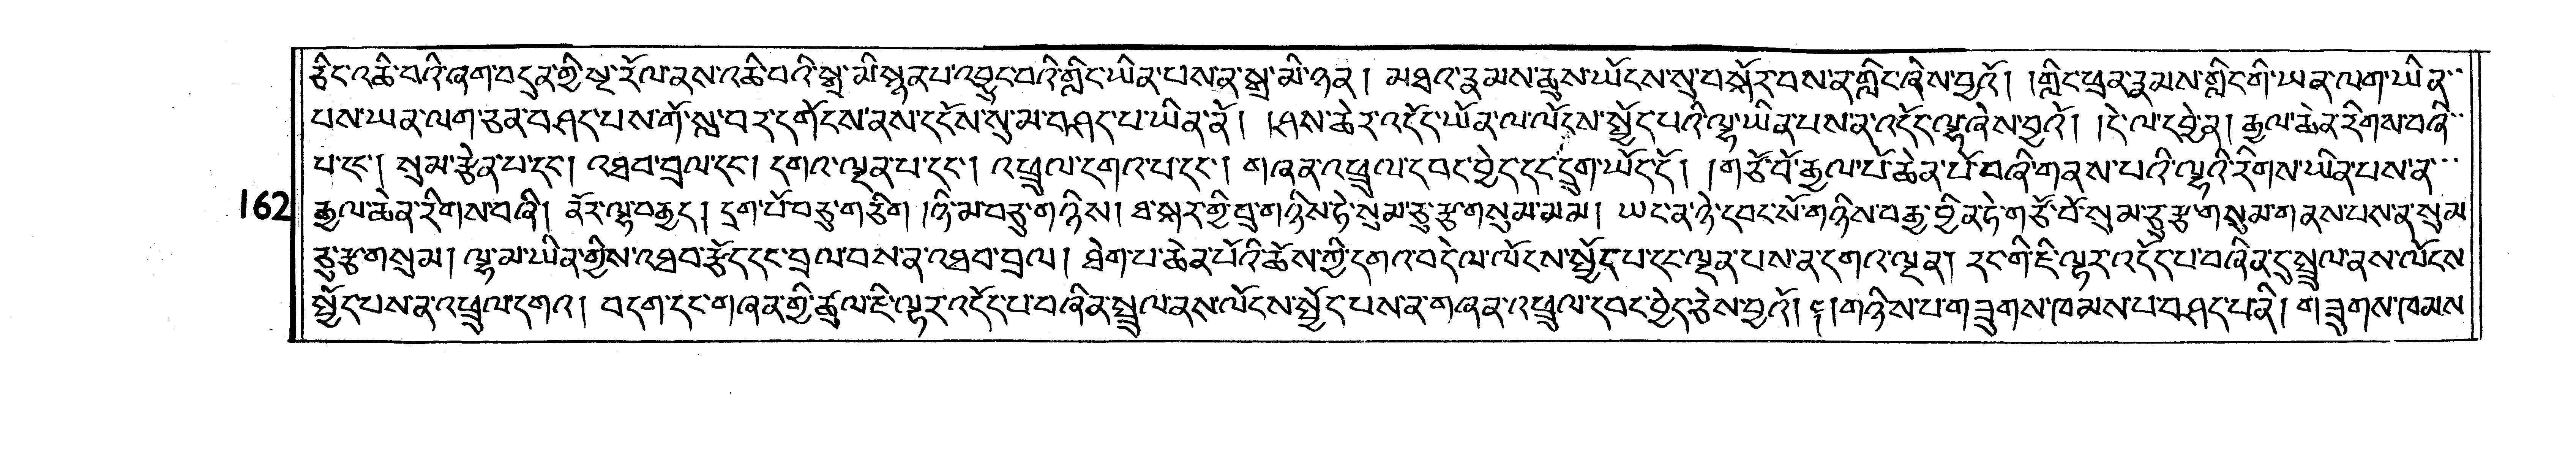ཅིང་འཆི་བའི་ཞག་བདུན་གྱི་སྔ་རོལ་ནས་འཆི་བའི་སྒྲ་མི་སྙན་པ་འབྱུང་བའི་གླིང་ཡིན་པས་ན་སྒྲ་མི་ཉན། མཐའ་རྣམས་ཆུས་ཡོངས་སུ་བསྐོར་བས་ན་གླིང་ཞེས་བྱའོ། །གླིང་ཕྲན་རྣམས་གླིང་གི་ཡན་ལག་ཡིན་
པས་ཡན་ལག་ཅན་བཤད་པས་གོ་སླ་བར་དགོངས་ནས་དངོས་སུ་མ་བཤད་པ་ཡིན་ནོ། །ཤས་ཆེར་འདོད་ཡོན་ལ་ལོངས་སྤྱོད་པའི་ལྷ་ཡིན་པས་ན་འདོད་ལྷ་ཞེས་བྱའོ། །དེ་ལ་དབྱེ་ན། རྒྱལ་ཆེན་རིགས་བཞི་
པ་དང་། སུམ་རྩེན་པ་དང་། འཐབ་བྲལ་དང་། དགའ་ལྡན་པ་དང་། འཕྲུལ་དགའ་པ་དང་། གཞན་འཕྲུལ་དབང་བྱེད་དང་དྲུག་ཡོད་དོ། །གཙོ་བོ་རྒྱལ་པོ་ཆེན་པོ་བཞི་གནས་པའི་ལྷའི་རིགས་ཡིན་པས་ན་
རྒྱལ་ཆེན་རིགས་བཞི། ནོར་ལྷ་བརྒྱད། དྲག་པོ་བཅུ་གཅིག །ཉི་མ་བཅུ་གཉིས། ཐ་སྐར་གྱི་བུ་གཉིས་ཏེ་སུམ་ཅུ་རྩ་གསུམ་མམ། ཡང་ན་ཉེ་དབང་སོ་གཉིས་བརྒྱ་བྱིན་ཏེ་གཙོ་བོ་སུམ་ཅུ་རྩ་གསུམ་གནས་པས་ན་སུམ་
ཅུ་རྩ་གསུམ། ལྷ་མ་ཡིན་གྱིས་འཐབ་རྩོད་དང་བྲལ་བས་ན་འཐབ་བྲལ། ཐེག་པ་ཆེན་པོའི་ཆོས་ཀྱི་དགའ་བདེ་ལ་ལོངས་སྤྱོད་པ་དང་ལྡན་པས་ན་དགའ་ལྡན། རང་གི་ཇི་ལྟར་འདོད་པ་བཞིན་དུ་སྤྲུལ་ནས་ལོངས་
སྤྱོད་པས་ན་འཕྲུལ་དགའ། བདག་དང་གཞན་གྱི་ཚུལ་ཇི་ལྟར་འདོད་པ་བཞིན་སྤྲུལ་ནས་ལོངས་སྤྱོད་པས་ན་གཞན་འཕྲུལ་དབང་བྱེད་ཅེས་བྱའོ། ༈ །གཉིས་པ་གཟུགས་ཁམས་པ་བཤད་པ་ནི། གཟུགས་ཁམས་